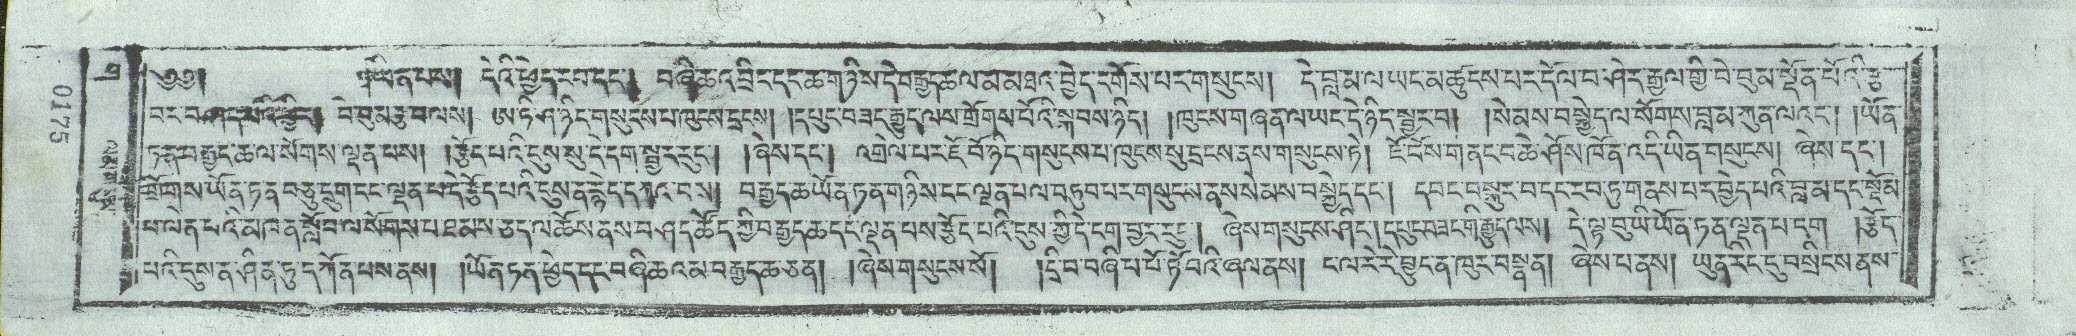༄༅། །ཡིན་པས། དེའི་ཕྱེད་རབ་དང་། བཞི་ཆ་འབྲིང་དང་ཆ་གཉིས་དེ་བརྒྱད་ཆ་ལམ་མཐའ་བྱེད་དགོས་པར་གསུངས། དེ་བླ་མ་ལ་ཡང་མཚུངས་པར་དོལ་བ་ཤེར་རྒྱལ་གྱི་བེ་བུམ་སྔོན་པོའི་རྩ་
བར་བཤད་པའི་ཕྱིར། བེ་བུམ་རྩ་བ་ལས། ཨ་ཏི་ཤ་ཉིད་གསུངས་པ་ཁུངས་དྲངས། །དཔུང་བཟང་རྒྱུད་ལས་གྲོགས་པོའི་སྐབས་ཉིད། །ཁུངས་གཞན་ལ་ཡང་དེ་ཉིད་སྦྱར་བ། །སེམས་བསྐྱེད་ལ་སོགས་བླ་མ་ཀུན་ལའང་། །ཡོན་
ཏན་བརྒྱད་ཆ་ལ་སོགས་ལྡན་པས། །རྩོད་པའི་དུས་སུ་དེ་དག་སྦྱར་རུང་། །ཞེས་དང་། འགྲེལ་པར་ཇོ་བོ་ཉིད་གསུངས་པ་ཁུངས་སུ་དྲངས་ནས་གསུངས་ཏེ། ཇོ་བོས་གནང་བ་ཆེ་ཤོས་ཁོ་ན་འདི་ཡིན་གསུངས། ཞེས་དང་།
གྲོགས་ཡོན་ཏན་བཅུ་དྲུག་དང་ལྡན་པ་དེ་རྩོད་པའི་དུས་ན་རྙེད་དཀའ་བས། བརྒྱད་ཆ་ཡོན་ཏན་གཉིས་དང་ལྡན་པ་ལ་བཏུབ་པར་གསུངས་ནས་སེམས་བསྐྱེད་དང་། དབང་བསྐུར་བ་དང་རབ་ཏུ་གནས་པར་བྱེད་པའི་བླ་མ་དང་སྡོམ་
པ་ལེན་པའི་ལམ་ཞི་སློབ་ལ་སོགས་པ་ཐམས་ཅད་ལ་ཆོས་ནས་བཤད་ཚོད་ཀྱི་བརྒྱད་ཆ་དང་ལྡན་པས་རྩོད་པའི་དུས་ཀྱི་དེ་དག་བྱར་རུང་། ཞེས་གསུངས་ཤིང་།དཔུང་བཟང་གི་རྒྱུད་ལས། དེ་ལྟ་བུ་ཡི་ཡོན་ཏན་ལྡན་པ་དག །རྩོད་
པའི་དུ་ཡུན་ཤིན་ཏུ་དཀོན་པས་ནས། །ཡོན་ཏན་ཕྱེད་དང་བཞི་ཆའམ་བརྒྱད་ཆ་ཅན། །ཞེས་གསུངས་སོ། །དྲི་བ་བཞི་པ་པོ་ཏོ་བའི་ཞལ་ནས། ང་ལ་རེ་རེ་བྱུང་ན་ཁུར་བསྣན། ཞེས་པ་ནས། ཡུན་རིང་དུ་བསྲིངས་ནས་